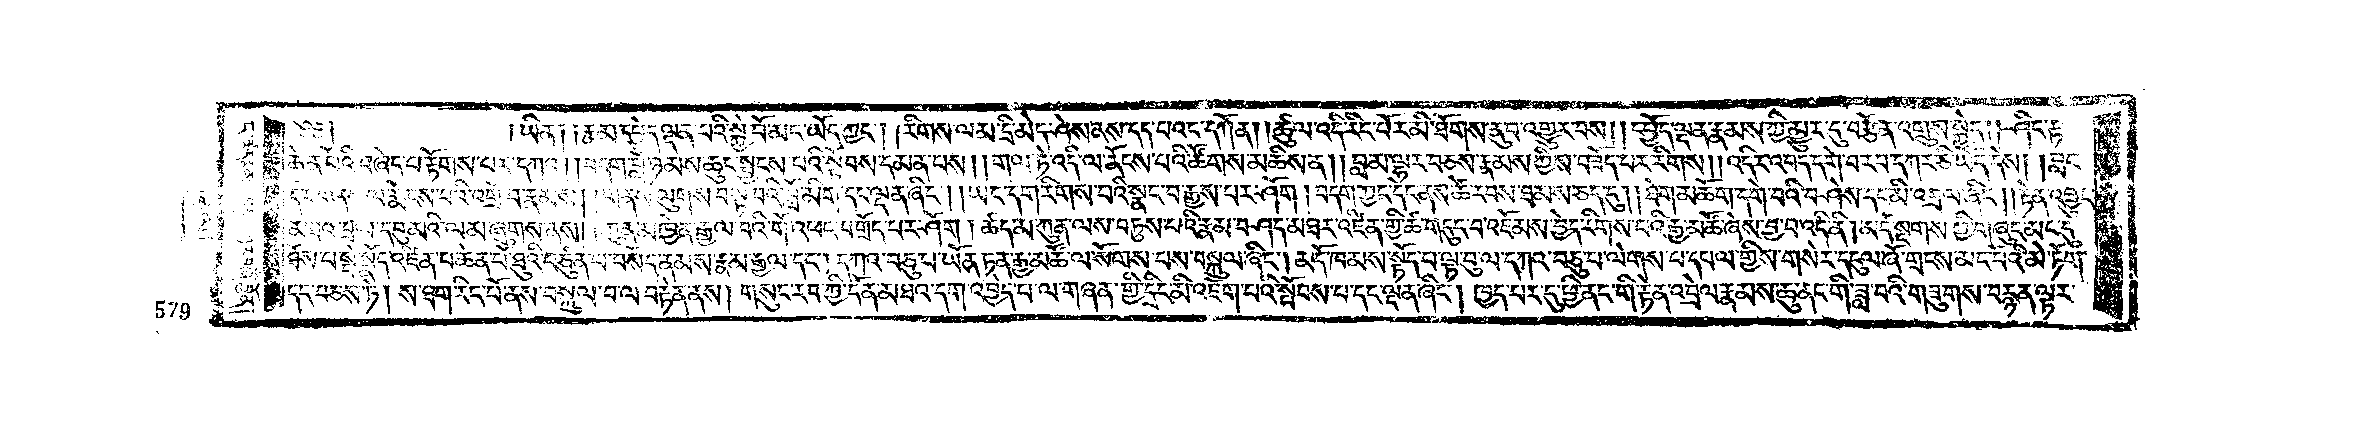༄༅། །ཡིན༑ ༑རྣམ་དཔྱོད་ལྡན་པའི་སྐྱེ་བོ་མང་ཡོད་ཀྱང་། །རིགས་ལམ་དྲི་མེད་ཤེས་ནས་དད་པའང་དཀོན། །ཚུལ་འདི་རིང་པོར་མི་ཐོགས་ནུབ་འགྱུར་པས། །དཔྱོད་ལྡན་རྣམས་ཀྱི་མྱུར་དུ་བརྩོན་འགྲུས་སྐྱེད། །ཤིང་རྟག་
ཆེན་པོའི་བཞེད་པ་རྟོགས་པར་དཀའ། །བདག་བློ་ཉམས་ཆུང་སྦྱངས་པའི་སྟོབས་དམན་པས། །གལ་ཏེ་འདི་ལ་ནོངས་པའི་ཚོགས་མཆིས་ན། །བླ་མ་ལྷར་བཅས་རྣམས་ཀྱིས་བཟོད་པར་རིགས། །འདིར་འབད་དགེ་བར་དཀར་ཅི་ཡོད་དེས། །བླང་
དོར་གནས་ལ་རྨོངས་པའི་འགྲོ་བ་རྣམས། །གནས་ལུགས་བལྟ་བའི་བློ་མིག་དང་ལྡན་ཞིང་། །ཡང་དག་རིགས་པའི་སྣང་བ་རྒྱས་པར་ཤོག །བདག་ཀྱང་དེང་ནས་ཚེ་རབས་ཐམས་ཅད་དུ། །ཐེག་མཆོག་དགེ་བའི་བཤེས་དང་མི་འབྲལ་ཞིང་། །རྟེན་འབྱུང་
མཐའ་བྲལ་དབུ་མའི་ལམ་ཞུགས་ནས། །ཀུན་མཁྱེན་རྒྱལ་བའི་གོ་འཕང་བགྲོད་པར་ཤོག །ཚད་མ་ཀུན་ལས་བཏུས་པའི་རྣམ་བཤད་མཐར་འཛིན་གྱི་ཚ་གདུང་བ་འཇོམས་བྱེད་རིགས་པའི་རྒྱ་མཚོ་ཞེས་བྱ་བ་འདི་ནི། མདོ་སྔགས་ཀྱི་གཞུང་མང་དུ་
ཐོས་པ་སྡེ་སྣོད་འཛིན་པ་ཆེན་པོ་ཐུའི་བཙུན་པ་བསོད་ནམས་རྣམ་རྒྱལ་དང་། དཀའ་བཅུ་པ་ཡོད་ཏན་རྒྱ་མཚོ་ལ་སོགས་པས་བསྐུལ་ཞིང་། མདོ་ཁམས་སྟོད་པ་ལྟ་བུ་ལ་དཀའ་བཅུ་པ་ལེགས་པ་དཔལ་གྱིས་གསེར་དངུལ་ཞོ་གྲངས་མང་པོའི་མེ་ཏོག་
དང་བཅས་ཏེ། ས་ཐག་རིང་པོ་ནས་བསྐུལ་བ་ལ་བརྟེན་ནས། གསུང་རབ་ཀྱི་དོན་མཐའ་དག་འབྱེད་པ་ལ་གཞན་གྱི་དྲིང་མི་འཇོག་པའི་སྤོབས་པ་དང་ལྡན་ཞིང་། ཁྱད་པར་དུ་ཕྱི་ནང་གི་རྟེན་འབྲེལ་རྣམས་ཆུ་ནང་གི་ཟླ་བའི་གཟུགས་བརྙན་ལྟར་